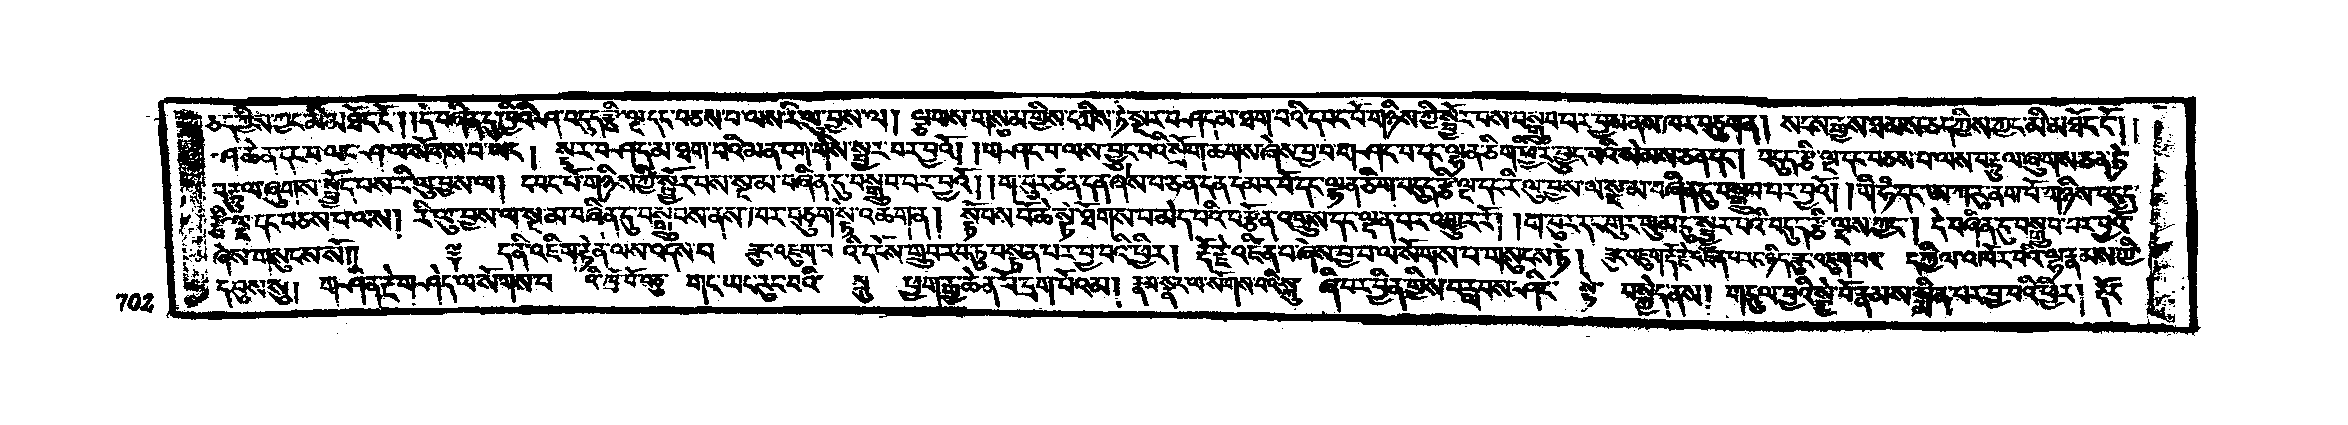ཅད་ཀྱིས་ཀྱང་མི་མཐོང་ངོ། །དེ་བཞིན་དུ་ཁྱིའི་ཤ་བདུད་རྩི་ལྔ་དང་བཅས་པ་ལས་རི་ལུ་བྱས་ལ། ལྕགས་གསུམ་གྱིས་དཀྲིས་ཏེ་སྔར་བཤད་མ་ཐག་པའི་དབང་པོ་གཉིས་ཀྱི་སྦྱོར་བས་བསྒྲུབ་པར་བྱས་ནས་ཁར་བཅུག་ན། སངས་རྒྱས་ཐམས་ཅད་ཀྱིས་ཀྱང་མི་མཐོང་ངོ། །
ཤ་ཆེན་དང་བ་ལང་ཤ་ལ་སོགས་པ་ཡང་། སྔར་བཤད་མ་ཐག་པའི་མན་ངག་གིས་སྦྱར་བར་བྱའོ། །གཤང་བ་ལས་བྱུང་བའི་སྲོག་ཆགས་ཞེས་བྱ་བ་གཤང་བ་དང་ལྷན་ཅིག་ཕྱིར་བྱུང་བའི་སེམས་ཅན་དང་། བདུད་རྩི་ལྔ་དང་བཅས་པ་ལས་བརྟུལ་ཞུགས་ཅན་ཏེ་
བརྟུལ་ཞུགས་སྤྱོད་པས་རི་ལུ་བྱས་ལ། དབང་པོ་གཉིས་ཀྱི་སྦྱོར་བས་སྔ་མ་བཞིན་དུ་བསྒྲུབ་པར་བྱའོ། །ག་བུར་ཙན་དན་ཞེས་པ་ཅན་དན་དམར་པོ་དང་ལྷན་ཅིག་བདུད་རྩི་ལྔ་དང་རི་ལུ་བྱས་ལ་སྔ་མ་བཞིན་དུ་བསྒྲུབ་པར་བྱའོ། །གི་ཧཾ་དང་ཨ་ཀ་རུ་ནག་པོ་གཉིས་བདུད་
རྩི་ལྔ་དང་བཅས་པ་ལས། རི་ལུ་བྱས་ལ་སྔ་མ་བཞིན་དུ་བསྒྲུབས་ནས་ཁར་བཅུག་སྟེ་འཆག་ན། སྟོབས་པོ་ཆེ་སྟེ་ཐོགས་པ་མེད་པའི་བརྩོན་འགྲུས་དང་ལྡན་པར་འགྱུར་རོ། །ག་བུར་དང་གུར་གུམ་དུ་སྦྱར་བའི་བདུད་རྩི་ལྔས་ཀྱང་། དེ་བཞིན་དུ་བསྒྲུབ་པར་བྱའོ་
ཞེས་གསུངས་སོ།། ༈ ད་ནི་འཇིག་རྟེན་ལས་འདས་པ་ཟུང་འཇུག་པའི་དངོས་གྲུབ་རབ་ཏུ་བསྟན་པར་བྱ་བའི་ཕྱིར། རྡོ་རྗེ་འཛིན་པ་ཞེས་བྱ་བ་ལ་སོགས་པ་གསུངས་ཏེ། ཟུང་འཇུག་རྡོ་རྗེ་འཛིན་པ་རང་ཉིད་ཟུང་འཇུག་པའི་དཀྱིལ་འཁོར་བའི་ལྷ་རྣམས་ཀྱི
དབུས་སུ། གཤིན་རྗེ་གཤེད་ལ་སོགས་པའི་ཁྲོ་བོ་བཅུ་གང་ཡང་རུང་བའི་སྐུ་ཕྱག་རྒྱ་ཆེན་པོ་དྲག་པོའམ། རྣམ་སྣང་ལ་སོགས་པའི་སྐུ་ཞི་བར་བྱིན་གྱིས་བརླབས་ཤིང་སྟེ་བསྐྱེད་ནས་གདུལ་བྱའི་སྐྱེ་བོ་རྣམས་སྨིན་པར་བྱ་བའི་ཕྱིར། རྡོ་